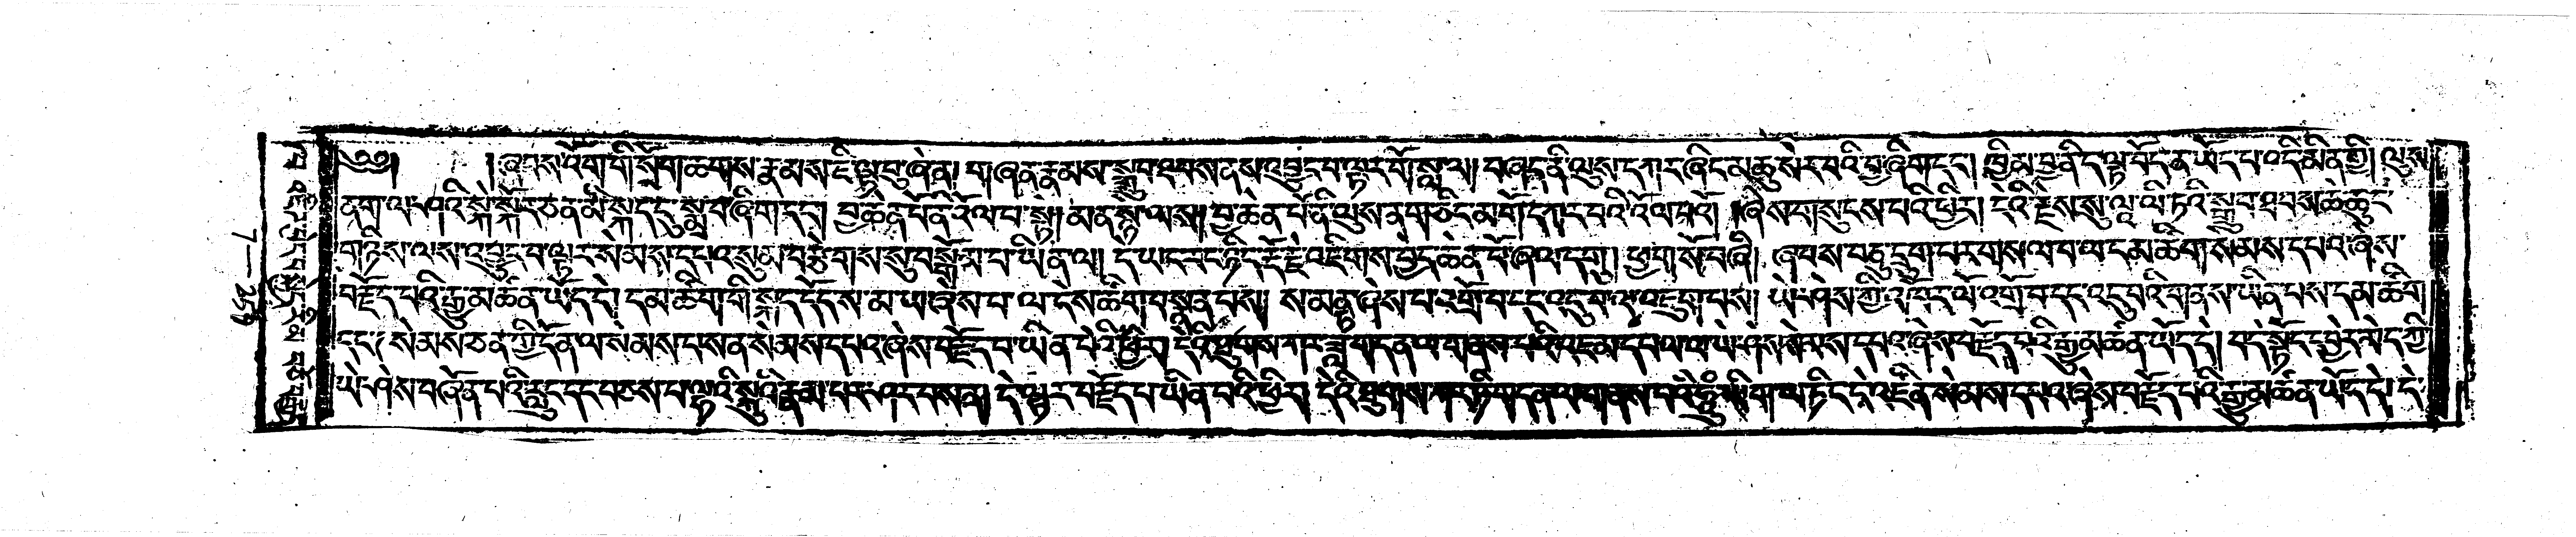༄༅། །ཞབས་འོག་གི་སྲོག་ཆགས་རྣམས་ཇི་ལྟ་བུ་ཞེ་ན། གཞན་རྣམས་སྒྲུབ་ཐབས་ནས་འབྱུང་བ་ལྟར་གོ་སླ་ལ། བཞད་ནི་ལུས་དཀར་ཞིང་མཆུ་སེར་པའི་བྱ་ཞིག་དང་། ཁྱིམ་བྱ་ནི་ད་ལྟ་བོད་ན་ཡོད་པ་འདི་མིན་གྱི། ལུས་
ནག་ལ་ཤའི་སྐེ་སྐོར་ཅན་མི་སྐད་དུ་སྨྲ་བ་ཞིག་དང་། བྱ་ཆེན་པོ་ནི་འོལ་པ་སྟེ། མན་སྙེ་ལས། བྱ་ཆེན་པོ་ནི་ལུས་ནག་ཅིང་མགོ་དཀར་བའི་འོལ་བའོ། །ཞེས་གསུངས་པའི་ཕྱིར། དེའི་རྗེས་སུ་ལཱ་ལི་ཏའི་སྒྲུབ་ཐབས་ཆེ་ཆུང་
གཉིས་ལས་འབྱུང་བ་ལྟར་སེམས་དཔའ་སུམ་བརྩེགས་སུ་བསྒོམ་པ་ཡིན་ལ། དེ་ཡང་རང་ཉིད་རྡོ་རྗེ་འཇིགས་བྱེད་ཆེན་པོ་ཞལ་དགུ །ཕྱག་སོ་བཞི། ཞབས་བཅུ་དྲུག་བར་གསལ་བ་ལ་དམ་ཚིག་སེམས་དཔའ་ཞེས་
བརྗོད་པའི་རྒྱུ་མཚན་ཡོད་དེ། དམ་ཚིག་གི་སྐད་དོང་སམ་ཡ་ཞེས་པ་ལ་དེས་ཚིག་བསྣན་པས། ས་མནྟ་ཞེས་པ་འགྲོ་བ་དང་འདུ་བ་ལ་འཇུག་པས། ཡེ་ཤེས་ཀྱི་འཁོར་ལོ་འགྲོ་བ་དང་འདུ་བའི་གནས་ཡིན་པས་དམ་ཚིག་
དང༑ སེམས་ཅན་གྱི་དོན་ལ་སེམས་པས་ན་སེམས་དཔའ་ཞེས་བརྗོད་པ་ཡིན་པའི་ཕྱིར། དེའི་ཐུགས་ཀར་ཟླ་གདན་ལ་གནས་པའི་འཇམ་དཔལ་ལ་ཡེ་ཤེས་སེམས་དཔའ་ཞེས་བརྗོད་པའི་རྒྱུ་མཚན་ཡོད་དེ། བདེ་སྟོང་དབྱེར་མེད་ཀྱི་
ཡེ་ཤེས་བཞོན་པའི་རླུང་དང་བཅས་པ་ལྷའི་སྐུའི་རྣམ་པར་ཤར་བས་ན། དེ་ལྟར་བརྗོད་པ་ཡིན་པའི་ཕྱིར། དེའི་ཐུགས་ཀར་ཉི་གདན་ལ་གནས་པའི་ཧཱུཾ་ཡིག་ལ་ཏིང་ངེ་འཛིན་སེམས་དཔའ་ཞེས་བརྗོད་པའི་རྒྱུ་མཚན་ཡོད་དེ། དེ་